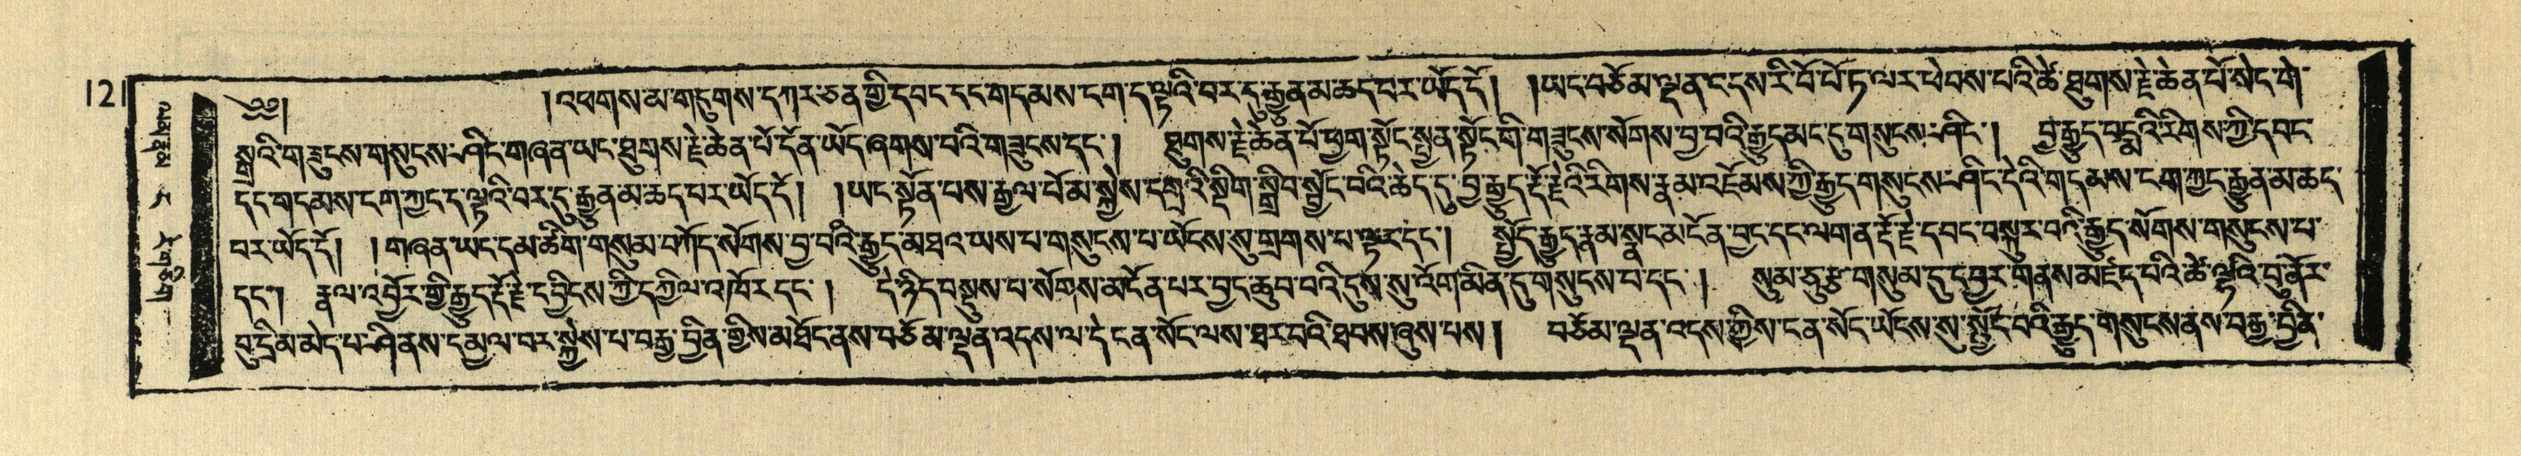༄༅། །འཕགས་མ་གདུགས་དཀར་ཅན་གྱི་དབང་དང་གདམས་ངག་ད་ལྟའི་བར་དུ་རྒྱུན་མ་ཆད་བར་ཡོད་དོ། །ཡང་བཅོམ་ལྡན་འདས་རི་བོ་པོ་ཏ་ལར་ཕེབས་པའི་ཚེ་ཐུགས་རྗེ་ཆེན་པོ་སེང་གེ་
སྒྲའི་གཟུངས་གསུངས་ཤིང་གཞན་ཡང་ཐུགས་རྗེ་ཆེན་པོ་དོན་ཡོད་ཞགས་བའི་གཟུངས་དང་། ཐུགས་རྗེ་ཆེན་པོ་ཕྱག་སྟོང་སྤྱན་སྟོང་གི་གཟུངས་སོགས་བྱ་བའི་རྒྱུད་མང་དུ་གསུངས་ཤིང་། བྱ་རྒྱུད་པདམའི་རིགས་ཀྱི་དབང་
དང་གདམས་ངག་ཀྱང་ད་ལྟའི་བར་དུ་རྒྱུན་མ་ཆད་པར་ཡོད་དོ། །ཡང་སྟོན་པས་རྒྱལ་པོ་མ་སྐྱེས་དགྲའི་སྡིག་སྒྲིབ་སྦྱོང་བའི་ཆེད་དུ་བྱ་རྒྱུད་རྡོ་རྗེའི་རིགས་རྣམ་འཇོམས་ཀྱི་རྒྱུད་གསུངས་ཤིང་དེའི་གདམས་ངག་ཀྱང་རྒྱུན་མ་ཆད་
བར་ཡོད་དོ། །གཞན་ཡང་དམ་ཚིག་གསུམ་བཀོད་སོགས་བྱ་བའི་རྒྱུད་མཐའ་ཡས་པ་གསུངས་པ་ཡོངས་སུ་གྲགས་པ་ལྟར་དང་། སྤྱོད་རྒྱུད་རྣམ་སྣང་མངོན་བྱང་དང་ལག་ན་རྡོ་རྗེ་དབང་བསྐུར་བའི་རྒྱུད་སོགས་གསུངས་པ་
དང་། རྣལ་འབྱོར་གྱི་རྒྱུད་རྡོ་རྗེ་དབྱིངས་ཀྱི་དཀྱིལ་འཁོར་དང་། དེ་ཉིད་བསྡུས་པ་སོགས་མངོན་པར་བྱང་ཆུབ་བའི་དུས་སུ་འོག་མིན་དུ་གསུངས་པ་དང་། སུམ་ཅུ་རྩ་གསུམ་དུ་དབྱར་གནས་མཛད་པའི་ཚེ་ལྷའི་བུ་ནོར་
བུ་དྲི་མ་མེད་པ་ཤི་ནས་དམྱལ་བར་སྐྱེས་པ་བརྒྱ་བྱིན་གྱིས་མཐོང་ནས་བཅོམ་ལྡན་འདས་ལ་དེ་ངན་སོང་ལས་ཐར་བའི་ཐབས་ཞུས་པས། བཅོམ་ལྡན་འདས་ཀྱིས་ངན་སོང་ཡོངས་སུ་སྦྱོང་བའི་རྒྱུད་གསུངས་ནས་བརྒྱ་བྱིན་